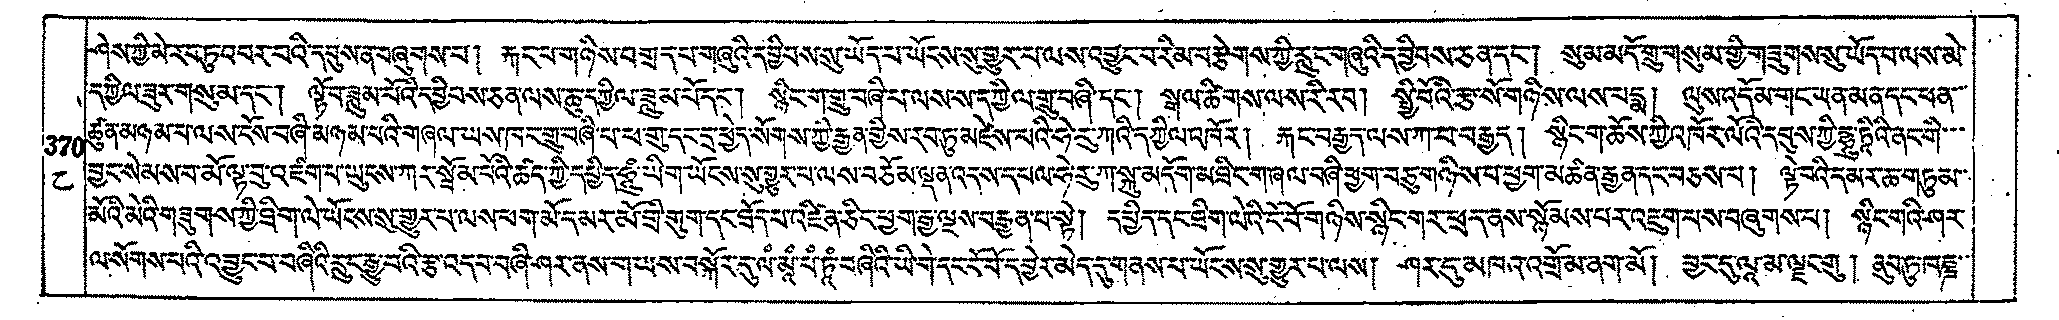ཤེས་ཀྱི་མེ་རབ་ཏུ་འབར་བའི་དབུས་ན་བཞུགས་པ། རྐང་པ་གཉིས་བགྲད་པ་གཞུའི་དབྱིབས་སུ་ཡོད་པ་ཡོངས་སུ་གྱུར་པ་ལས་འབྱུང་བ་རིམ་བརྩེགས་ཀྱི་རླུང་གཞུའི་དབྱིབས་ཅན་དང་། སུམ་མདོ་གྲུ་གསུམ་གྱི་གཟུགས་སུ་ཡོད་པ་ལས་མེ་
དཀྱིལ་ཟུར་གསུམ་དང་། ལྟོ་བ་ཟླུམ་པོའི་དབྱིབས་ཅན་ལས་ཆུ་དཀྱིལ་ཟླུམ་པོ་དང་། སྙིང་ག་གྲུ་བཞི་པ་ལས་ས་དཀྱིལ་གྲུ་བཞི་དང་། སྒལ་ཚིགས་ལས་རི་རབ། སྤྱི་བོའི་རྩ་སོ་གཉིས་ལས་པདམ། ལུས་འདོམ་གང་ཡན་མན་དང་ཕན་་་
ཚུན་མཉམ་པ་ལས་ངོས་བཞི་མཉམ་པའི་གཞལ་ཡས་ཁང་གྲུ་བཞི་པ་ཕ་གུ་དང་དྲ་ཕྱེད་སོགས་ཀྱི་རྒྱན་གྱིས་རབ་ཏུ་མཛེས་པའི་ཧེ་རུ་ཀའི་དཀྱིལ་འཁོར། རྐང་བརྒྱད་ལས་ཀ་བ་བརྒྱད། སྙིང་ག་ཆོས་ཀྱི་འཁོར་ལོའི་དབུས་ཀྱི་དྷཱུ་ཏཱིའི་ནང་གི་་་
བྱང་སེམས་བ་མོ་ལྟ་བུ་འཛག་པ་ཡུངས་ཀར་སྦོམ་པོའི་ཚད་ཀྱི་དཔྱིད་ཧཱུཾ་ཡིག་ཡོངས་སུ་གྱུར་པ་ལས་བཅོམ་ལྡན་འདས་དཔལ་ཧེ་རུ་ཀ་སྐུ་མདོག་མཐིང་ག་ཞལ་བཞི་ཕྱག་བཅུ་གཉིས་པ་ཕྱག་མཚན་རྒྱན་དང་བཅས་པ། ལྟེ་བའི་དམར་ཆ་གཏུམ་་་
མོའི་མེའི་གཟུགས་ཀྱི་ཐིག་ལེ་ཡོངས་སུ་གྱུར་པ་ལས་ཕག་མོ་དམར་མོ་གྲི་གུག་དང་ཐོད་པ་འཛིན་ཅིང་ཕྱག་རྒྱ་ལྔས་བརྒྱན་པ་སྟེ། དཔྱིད་དང་ཐིག་ལེའི་ངོ་བོ་གཉིས་སྙིང་གར་ཕྲད་ནས་སྙོམས་པར་འཇུག་པས་བཞུགས་པ། སྙིང་གའི་ཤར་
ལ་སོགས་པའི་འབྱུང་བ་བཞིའི་རླུང་རྒྱུ་བའི་རྩ་འདབ་བཞི་ཤར་ནས་གཡས་བསྐོར་དུ་ལཾ་མཱཾ་པཾ་ཏཱཾ་བཞིའི་ཡི་གེ་དང་ངོ་བོ་དབྱེར་མེད་དུ་གནས་པ་ཡོངས་སུ་གྱུར་པ་ལས། ཤར་དུ་མཁའ་འགྲོ་མ་ནག་མོ། བྱང་དུ་ལཱ་མ་ལྗང་གུ། ནུབ་ཏུ་ཁཎྜ་་་